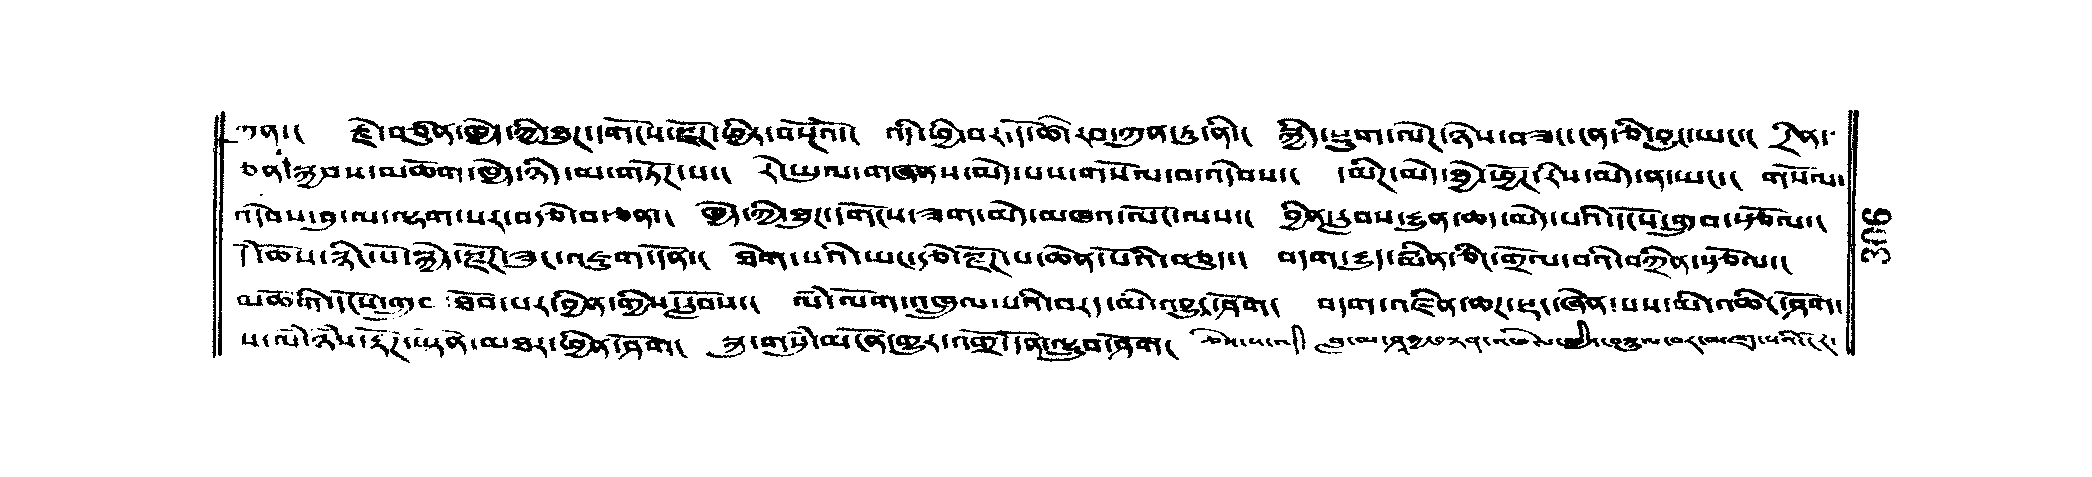ཀུན། །རྗེ་བཙུན་ཁྱེད་ཀྱི་ཐུགས་དགོངས་རྫོགས་ཕྱིར་བསྔོའོ། །འདི་ཕྱི་བར་དོ་ཚེ་རབས་ཀུན་ཏུ་ནི། །སྐྱིད་སྡུག་ལེགས་ཉེས་བཟང་ངན་ཅི་བྱུང་ཡང་། །དྲིན་
ཅན་སྐྱབས་མཆོག་ཁྱེད་ཉིད་མ་གཏོགས་པ། །རེ་ཡུལ་གཞན་ན་མེད་པས་གསོལ་བ་འདེབས། །དམིགས་མེད་ཐུགས་རྗེ་ཕྱོགས་རིས་མེད་ན་ཡང་། །གསོལ་
འདེབས་བུ་ལ་ལྷག་པར་བརྩེ་བ་ཅན། །ཁྱོད་ཀྱི་ཐུགས་དགོངས་ཟག་མེད་མཁའ་ཀློང་ལས། །བྱིན་རླབས་རྒྱུན་ཆད་མེད་པའི་དངོས་གྲུབ་སྩོལ། །
དམ་ཆོས་སྙིང་པོ་སྐྱེད་རྫོགས་ཟུང་འཇུག་དོན། །ཐེག་པའི་ཡང་རྩེ་རྫོགས་པ་ཆེན་པོའི་བཅུད། །བདག་རྒྱུད་སྨིན་ཅིང་གྲོལ་བའི་བཀའ་དྲིན་སྩོལ། །
མཆོག་གི་དངོས་གྲུབ་ཐོབ་པར་བྱིན་གྱིས་རློབས། །ལམ་ལོག་འཁྲུལ་པའི་བར་ཆད་མི་འབྱུང་ཤོག །བདག་འཛིན་ཆགས་སྡང་ཞེན་པས་མི་འཆིང་ཤོག །
ས་ལམ་ཉམས་རྟོགས་ཡོན་ཏན་མཐར་ཕྱིན་ཤོག །སྐུ་གསུམ་མངོན་གྱུར་འགྲོ་དོན་ལྷུན་གྲུབ་ཤོག ཅེས་པ་འདི་བླ་མ་ཤཱཀྱ་བསྟན་འཕེལ་གྱིས་བསྐུལ་བར་མཛད་པའི་ངོར་